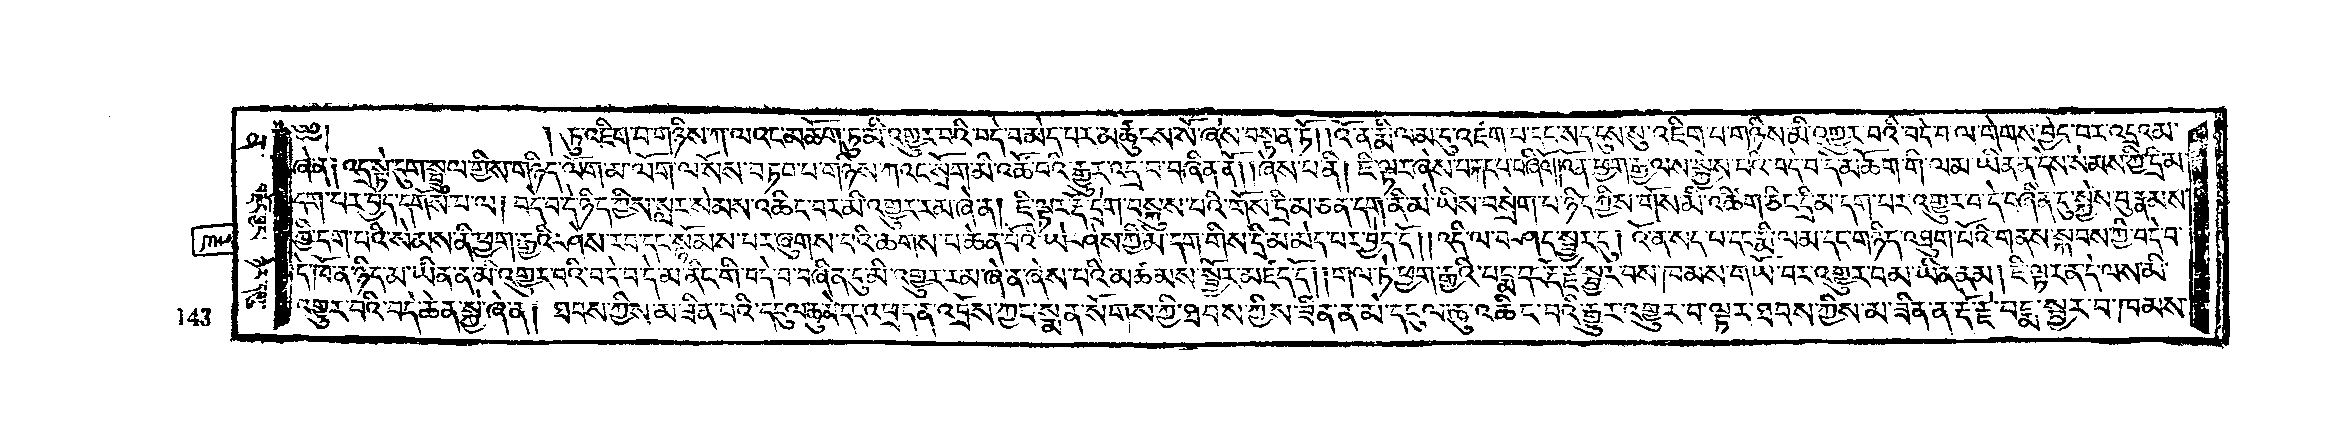༄༅། །ཏུ་འཛག་པ་གཉིས་ཀ་ལའང་མཆོག་ཏུ་མི་འགྱུར་བའི་བདེ་བ་མེད་པར་མཚུངས་སོ་ཞེས་བསྟན་ཏོ། །འོ་ན་རྨི་ལམ་དུ་འཛག་པ་དང་སད་དུས་སུ་འཛག་པ་གཉིས་མི་འགྱུར་བའི་བདེ་བ་ལ་གེགས་བྱེད་པར་འདྲའམ་
ཞེ་ན། འདྲ་སྟེ་དུག་སྦྲུལ་གྱིས་གཉིད་ལོག་མ་ལོག་ལ་སོས་བཏབ་པ་གཉིས་ཀའང་སྲོག་མི་འཚོ་བའི་རྒྱུར་འདྲ་བ་བཞིན་ནོ། །ཞེས་པ་ནི། ཇི་ལྟར་ཞེས་པ་རྐང་པ་བཞིའོ། །འོ་ན་ཕྱག་རྒྱ་ལས་སྐྱེས་པའི་བདེ་བ་དེ་མཆོག་གི་ལམ་ཡིན་ན་དེས་སེམས་ཀྱི་དྲི་མ་
དག་པར་བྱེད་དགོས་པ་ལ། བདེ་བ་དེ་ཉིད་ཀྱིས་སླར་སེམས་འཆིང་བར་མི་འགྱུར་རམ་ཞེ་ན། ཇི་ལྟར་རྡོ་དྲེག་བསྐུས་པའི་གོས་དྲི་མ་ཅན་དག་ནི་མེ་ཡིས་བསྲེག་པ་ཉིད་ཀྱིས་གོས་མི་འཚིག་ཅིང་དྲི་མ་དག་པར་འགྱུར་བ་དེ་བཞིན་དུ་སྐྱེས་བུ་རྣམས་
ཀྱི་དག་པའི་སེམས་ནི་ཕྱག་རྒྱའི་ཤེས་རབ་དང་སྙོམས་པར་ཞུགས་པའི་ཆགས་པ་ཆེན་པོའི་ཡེ་ཤེས་ཀྱི་མེ་དག་གིས་དྲི་མ་མེད་པར་བྱེད་དོ། །འདི་ལ་བཤད་སྦྱར་དུ། འོ་ན་སད་པ་དང་རྨི་ལམ་དང་གཉིད་འཐུག་པོའི་གནས་སྐབས་ཀྱི་བདེ་བ་
དེ་ཁོ་ན་ཉིད་མ་ཡིན་ན་མི་འགྱུར་བའི་བདེ་བ་དེ་མ་ནིང་གི་བདེ་བ་བཞིན་དུ་མི་འགྱུར་ར་མ་ཞེ་ན་ཞེས་པའི་མཚམས་སྦྱོར་མཛད་དོ། །གལ་ཏེ་ཕྱག་རྒྱའི་པདམ་དང་རྡོ་རྗེ་སྦྱར་བས་ཁམས་གཡོ་བར་འགྱུར་བ་མ་ཡིན་ནམ། ཇི་ལྟར་ན་དེ་ལས་མི་
འགྱུར་བའི་བདེ་ཆེན་སྐྱེ་ཞེ་ན། ཐབས་ཀྱིས་མ་ཟིན་པའི་དངུལ་ཆུ་མེ་དང་འཕྲད་ན་འབྲོས་ཀྱང་སྨན་སོགས་ཀྱི་ཐབས་ཀྱིས་ཟིན་ན་མེ་དངུལ་ཆུ་འཆིང་བའི་རྒྱུར་འགྱུར་བ་ལྟར་ཐབས་ཀྱིས་མ་ཟིན་ན་རྡོ་རྗེ་པདམ་སྦྱར་བ་ཁམས་